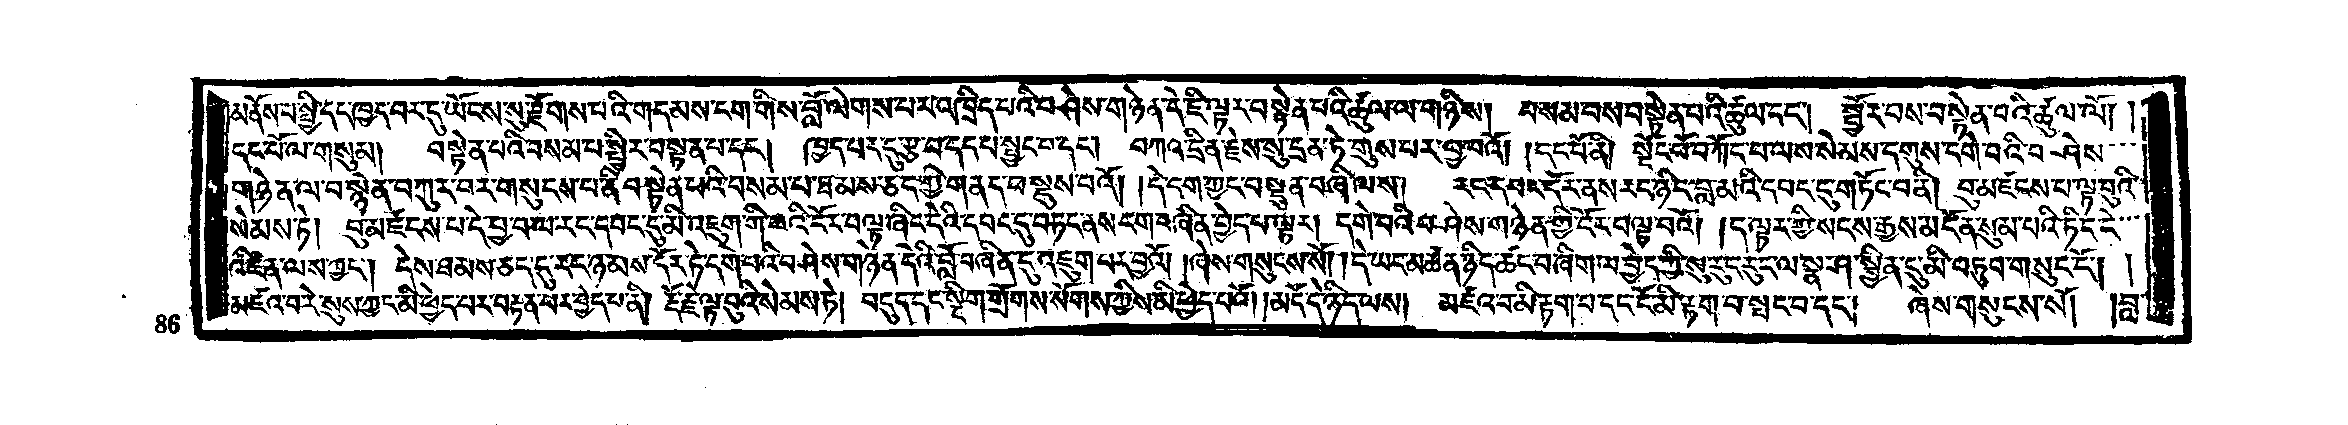མནོས་པ་སྤྱི་དང་ཁྱད་པར་དུ་ཡོངས་སུ་རྫོགས་པའི་གདམས་ངག་གིས་བློ་ལེགས་པར་འཁྲིད་པའི་བཤེས་གཉེན་དེ་ཇི་ལྟར་བསྟེན་པའི་ཚུལ་ལ་གཉིས། བསམ་པས་བསྟེན་པའི་ཚུལ་དང་། སྦྱོར་བས་བསྟེན་པའི་ཚུལ་ལོ། །
དང་པོ་ལ་གསུམ། བསྟེན་པའི་བསམ་པ་སྤྱིར་བསྟན་པ་དང་། ཁྱད་པར་དུ་རྩ་བ་དད་པ་སྦྱང་བ་དང་། བཀའ་དྲིན་རྗེས་སུ་དྲན་ཏེ་གུས་པར་བྱ་བའོ། །དང་པོ་ནི། སྡོང་པོ་བཀོད་པ་ལས་སེམས་དགུས་དགེ་བའི་བཤེས་
གཉེན་ལ་བསྙེན་བཀུར་བར་གསུངས་པ་ནི་བསྟེན་པའི་བསམ་པ་ཐམས་ཅད་ཀྱི་གནད་བསྡུས་པའོ། །དེ་དག་ཀྱང་བསྡུ་ན་བཞི་ལས། རང་དབང་དོར་ནས་རང་ཉིད་བླ་མའི་དབང་དུ་གཏོང་བ་ནི། བུ་མཛངས་པ་ལྟ་བུའི་
སེམས་ཏེ། བུ་མཛངས་པ་དེ་བྱ་བ་ལ་རང་དབང་དུ་མི་འཇུག་གི་ཕའི་ངོར་བལྟ་ཞིང་དེའི་དབང་དུ་བཏང་ནས་ངག་བཞིན་བྱེད་པ་ལྟར། དགེ་བའི་བཤེས་གཉེན་གྱི་ངོར་བལྟ་བའོ། །ད་ལྟར་གྱི་སངས་རྒྱས་མངོན་སུམ་པའི་ཏིང་ངེ་
འཛིན་ལས་ཀྱང་། དེས་ཐམས་ཅད་དུ་རང་ཉམས་དོར་ཏེ་དགེ་བའི་བཤེས་གཉེན་དེའི་བློ་བཞིན་དུ་འཇུག་པར་བྱའོ། །ཞེས་གསུངས་སོ། །དེ་ཡང་མཚན་ཉིད་ཚང་བ་ཞིག་ལ་བྱེད་ཀྱི་སུ་རུང་རུང་ལ་སྣ་ཤ་སྦྱིན་དུ་མི་བཏུབ་གསུང་ངོ། །
མཛའ་བ་དེ་?་སུས་ཀྱང་མི་ཕྱེད་པར་བརྟན་པར་བྱེད་པ་ནི། རྡོ་རྗེ་ལྟ་བུའི་སེམས་ཏེ། བདུད་དང་སྡིག་གྲོགས་སོགས་ཀྱིས་མི་ཕྱེད་པའོ། །མདོ་དེ་ཉིད་ལས། མཛའ་བ་མི་རྟག་པ་དང་ངོ་མི་རྟག་པ་སྤང་བ་དང་། ཞེས་གསུངས་སོ། །བླ་